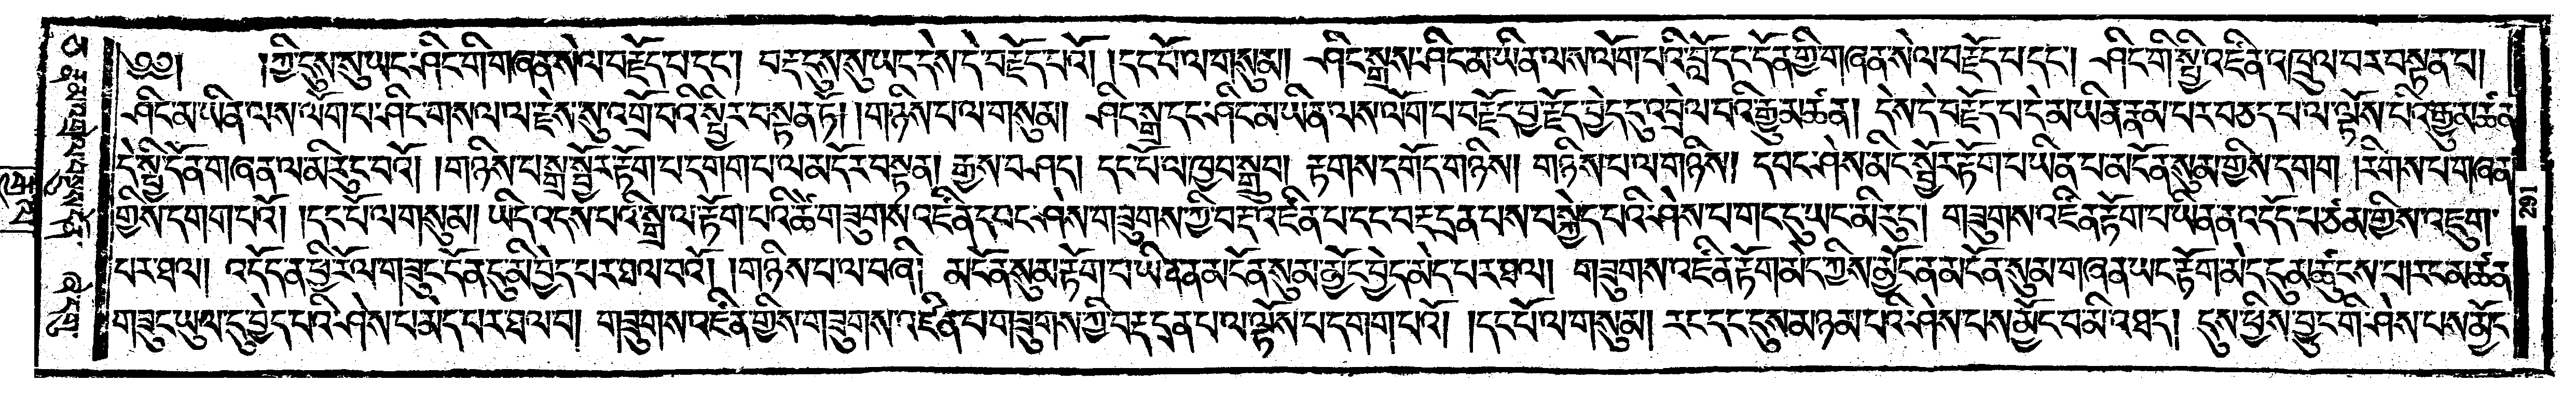༄༅། །ཀྱི་དུས་སུ་ཡང་ཤིང་གི་གཞན་སེལ་བརྗོད་པ་དང་། བརྡ་དུས་སུ་ཡང་དེས་དེ་བརྗོད་པའོ། །དང་པོ་ལ་གསུམ། ཤིང་སྒྲས་ཤིང་མ་ཡིན་ལས་ལོག་པའི་བློ་དང་དོན་གྱི་གཞན་སེལ་བརྗོད་པ་དང་། ཤིང་གི་སྤྱི་འཛིན་འཁྲུལ་བར་བསྟན་པ།
ཤིང་མ་ཡིན་ལས་ལོག་པ་ཤིང་གསལ་ལ་རྗེས་སུ་འགྲོ་བའི་སྤྱིར་བསྟན་ཏོ། །གཉིས་པ་ལ་གསུམ། ཤིང་སྒྲ་དང་ཤིང་མ་ཡིན་ལས་ལོག་པ་བརྗོད་བྱ་རྗོད་བྱེད་དུ་འབྲེལ་པའི་རྒྱུ་མཚན། དེས་དེ་བརྗོད་པ་དེ་མ་ཡིན་རྣམ་པར་བཅད་པ་ལ་ལྟོས་པའི་རྒྱུ་མཚན་
དེ་སྤྱི་དོན་གཞན་ལ་མི་རུང་བའོ། །གཉིས་པ་སྒྲ་སྦྱོར་རྟོག་པ་དགག་པ་ལ་མདོར་བསྟན། རྒྱས་བཤད། དང་པོ་ལ་ཁྱབ་སྒྲུབ། རྟགས་དགོད་གཉིས། གཉིས་པ་ལ་གཉིས། དབང་ཤེས་མིང་སྦྱོར་རྟོག་པ་ཡིན་པ་མངོན་སུམ་གྱིས་དགག །རིགས་པ་གཞན་
གྱིས་དགག་པའོ། །དང་པོ་ལ་གསུམ། ཡིད་འདས་པའི་སྒྲ་ལ་རྟོག་པའི་ཚེ་གཟུགས་འཛིན་དབང་ཤེས་གཟུགས་ཀྱི་བརྡ་འཛིན་པ་དང་བརྡ་དྲན་པས་བསྐྱེད་པའི་ཤེས་པ་གང་དུ་ཡང་མི་རུང་། གཟུགས་འཛིན་རྟོག་པ་ཡིན་ན་འདོད་པ་ཙམ་གྱིས་འཇུག་
པར་ཐལ། འདོད་ན་ཕྱི་རོལ་གཟུང་དོན་དུ་མི་བྱེད་པར་ཐལ་བའོ། །གཉིས་པ་ལ་བཞི། མངོན་སུམ་རྟོག་པ་ཡིན་ན་མངོན་སུམ་མྱོང་བྱེད་མེད་པར་ཐལ། གཟུགས་འཛིན་རྟོག་མེད་ཀྱིས་མྱོང་ན་མངོན་སུམ་གཞན་ཡང་རྟོག་མེད་དུ་མཚུངས་པ། རང་མཚན་
གཟུང་ཡུལ་དུ་བྱེད་པའི་ཤེས་པ་མེད་པར་ཐལ་བ། གཟུགས་འཛིན་གྱིས་གཟུགས་འཛིན་པ་གཟུགས་ཀྱི་བརྡ་དྲན་པ་ལ་ལྟོས་པ་དགག་པའོ། །དང་པོ་ལ་གསུམ། རང་དང་དུས་མཉམ་པའི་ཤེས་པས་མྱོང་བ་མི་འཐད། དུས་ཕྱིས་བྱུང་གི་ཤེས་པས་མྱོང་